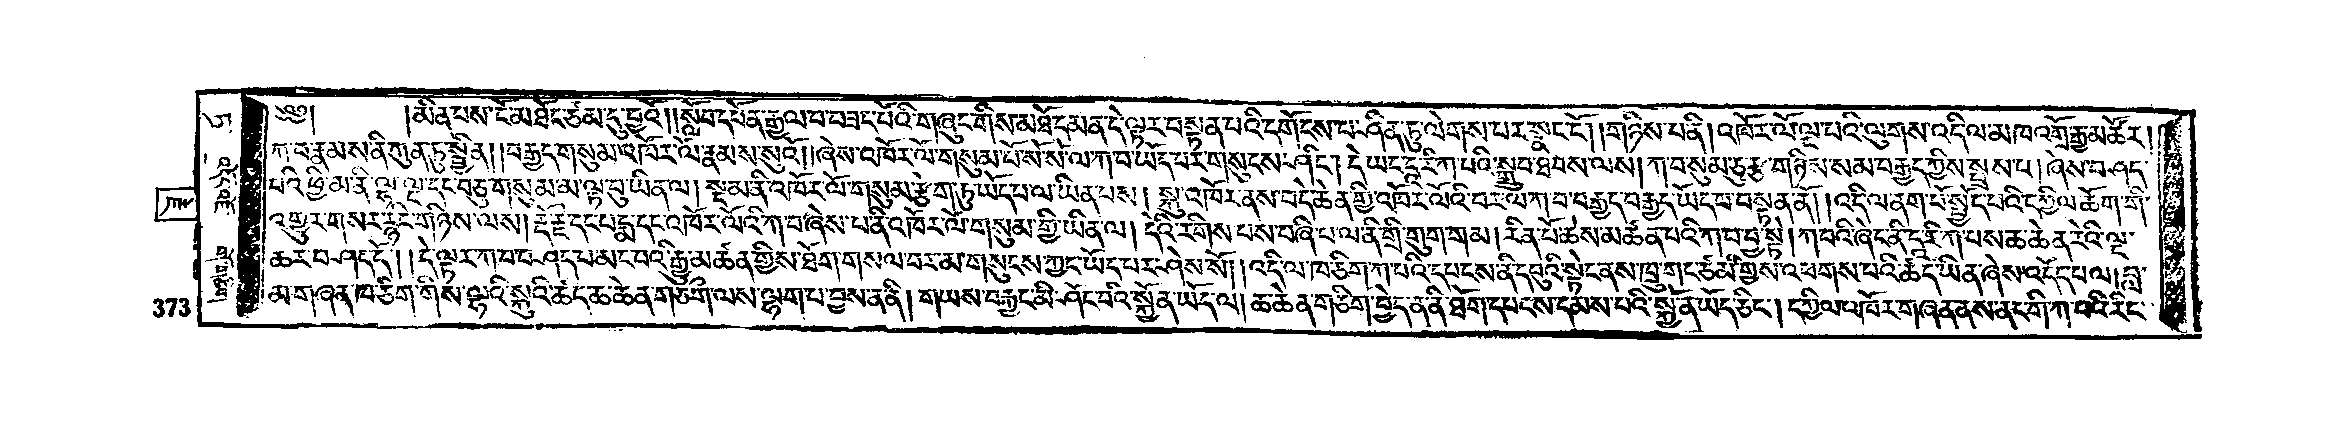༄༅། །མིན་པས་ངོ་མཐོང་ཙམ་དུ་བྱའོ། །སློབ་དཔོན་རྒྱལ་བ་བཟང་པོའི་གཞུང་གིས་མཐོ་དམན་དེ་ལྟར་བསྟན་པའི་དགོངས་པ་ཤིན་ཏུ་ལེགས་པར་སྣང་ངོ། །གཉིས་པ་ནི། འཁོར་ལོ་ལྔ་པའི་ལུགས་འདི་ལ་མཁའ་འགྲོ་རྒྱ་མཚོར།
ཀ་བ་རྣམས་ནི་ཀུན་ཏུ་སྦྱིན། །བརྒྱད་གསུམ་འཁོར་ལོ་རྣམས་སུའོ། །ཞེས་འཁོར་ལོ་གསུམ་པོ་སོ་སོ་ལ་ཀ་བ་ཡོད་པར་གསུངས་ཤིང་། དེ་ཡང་དཱ་རི་ཀ་པའི་སྒྲུབ་ཐབས་ལས། ཀ་བ་སུམ་ཅུ་རྩ་གཉིས་སམ་བརྒྱད་ཀྱིས་སྤྲས་པ། ཞེས་བཤད་
པའི་ཕྱི་མ་ནི་ལྷ་ལྔ་དང་བཅུ་གསུམ་མ་ལྟ་བུ་ཡིན་ལ། སྔ་མ་ནི་འཁོར་ལོ་གསུམ་རྩེག་ཏུ་ཡོད་པ་ལ་ཡིན་པས། སྐུ་འཁོར་ནས་བདེ་ཆེན་གྱི་འཁོར་ལོའི་བར་ལ་ཀ་བ་བརྒྱད་བརྒྱད་ཡོད་པ་བསྟན་ནོ། །འདི་ལ་ནག་པོ་སྤྱོད་པའི་དཀྱིལ་ཆོག་གི་
འགྱུར་གསར་རྙིང་གཉིས་ལས། རྡོ་རྗེ་དང་པདམ་དང་འཁོར་ལོའི་ཀ་བ་ཞེས་པ་ནི་འཁོར་ལོ་གསུམ་གྱི་ཡིན་ལ། དེའི་རིགས་པས་བཞི་པ་ལ་ནི་གྲི་གུག་གམ། རིན་པོ་ཆེས་མཚན་པའི་ཀ་བ་བྱ་སྟེ། ཀ་བའི་ཞེང་ནི་དཱ་རི་ཀ་པས་ཆ་ཆེན་རེའི་ལྔ་
ཆར་བཤད་དོ། །དེ་ལྟར་ཀ་བ་བཤད་པ་མང་བའི་རྒྱུ་མཚན་གྱིས་ཐོག་གསལ་བར་མ་གསུངས་ཀྱང་ཡོད་པར་ཤེས་སོ། །འདི་ལ་ཁ་ཅིག་ཀ་པའི་དཔངས་ནི་དབུའི་སྟེང་ནས་ཁྲུ་གང་ཙམ་གྱིས་འཕགས་པའི་ཚད་ཡིན་ཞེས་འདོད་པ་ལ། བླ་
མ་གཞན་ཁ་ཅིག་གིས་ལྷའི་སྐུའི་ཚད་ཆ་ཆེན་གཅིག་ལས་ལྷག་པ་བྱས་ན་ནི། གཡས་བརྐྱང་མི་ཤོང་བའི་སྐྱོན་ཡོད་ལ། ཆ་ཆེན་གཅིག་བྱེད་ན་ནི་ཐོག་དཔངས་དམས་པའི་སྐྱོན་ཡོད་ཅིང་། དཀྱིལ་འཁོར་གཞན་ནས་ནང་གི་ཀ་བའི་རིང་